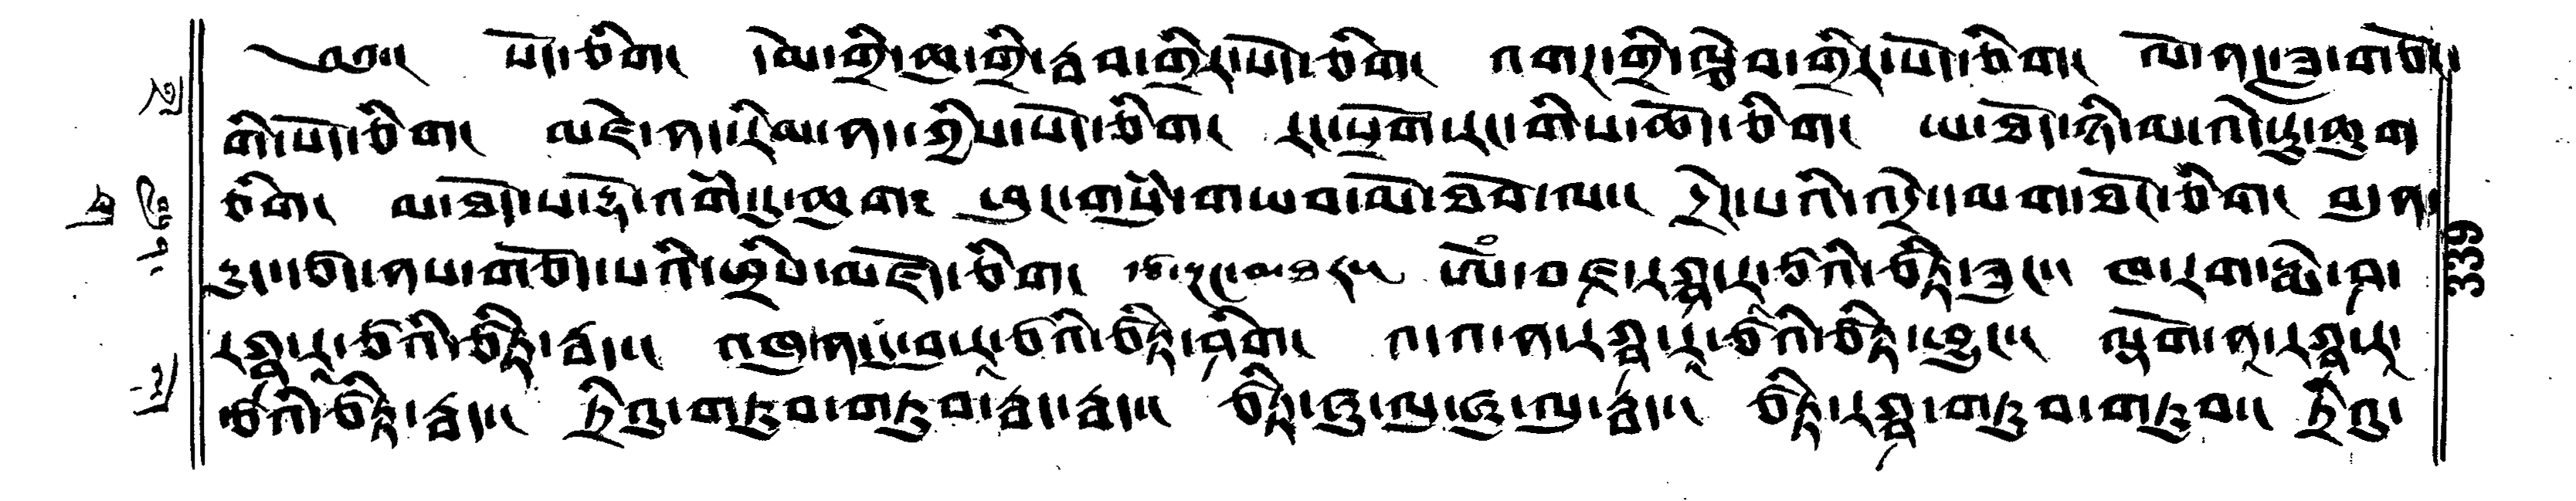སོད་ཅིག དམེ་གྲི་ཆུ་གྲི་རྦབ་གྲིར་སོད་ཅིག འགགས་གྲི་ལྕེབ་གྲིར་སོད་ཅིག ལོ་ནད་ཟླ་གཅོང་
གི་སོད་ཅིག མཛེ་ནད་རིམས་ནད་ཀྱིས་སོད་ཅིག རང་སྲོག་རང་གིས་ཆོད་ཅིག ཡ་ཐོད་ཉི་མ་འདེ་རུ་ཆུག་
ཅིག མ་ཐོད་ས་རྡོ་འགམ་དུ་ཆུག་ཅིག ཕུང་གསུམ་གཡབ་མོ་ཐོབ་ལ་དྲེགས་པའི་འདྲེ་དམག་ཐོང་ཅིག བདུན་
རྒྱུད་རྩད་ནས་གཅོད་པའི་ཕྲིན་ལས་མཛོད་ཅིག རྩ་སྔགས་མཐར། ཨོཾ་བཛྲ་རཀྵ་རཱ་ཙའི་ཙིཏྟ་ཟུང་། ཁ་རག་སྨེ་ཤ་
རཀྵ་རཱ་ཙའི་ཙིཏྟ་རྦད། འཁུ་ན་དུ་བུ་རཱ་ཙའི་ཙིཏྟ་ཤིག འདའ་ན་རཀྵ་རཱ་ཙའི་ཙིཏྟ་ཕྱུང་། ལྡོག་ནཱ་རཀྵ་རཱ་
ཙའི་ཙིཏྟ་རྦད། ཏྲིའུ་གཏུབ་གཏུབ་རྦད་རྦད། ཙིཏྟ་ཧུ་ལུ་ཧུ་ལུ་རྦད། ཙིཏྟ་རཀྵ་གཏུབ་གཏུབ། ཏྲིའུ་